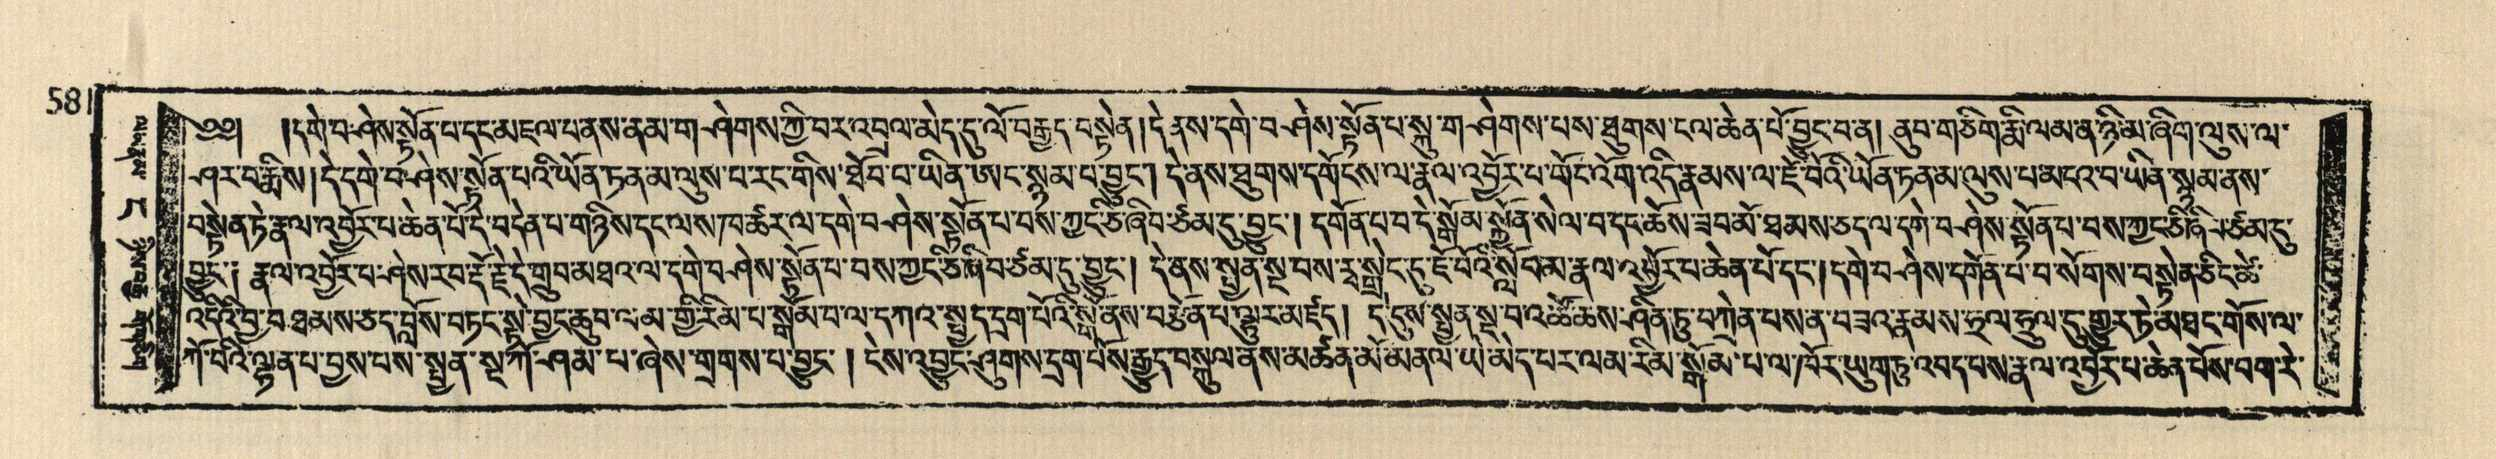༄༅། །དགེ་བཤེས་སྟོན་པ་དང་མཇལ་པ་ནས་ནམ་གཤེགས་ཀྱི་བར་འབྲལ་མེད་དུ་ལོ་བརྒྱད་བསྟེན་།དེ་ནས་དགེ་བཤེས་སྟོན་པ་སྐུ་གཤེགས་པས་ཐུགས་ངལ་ཆེན་པོ་བྱུང་བ་ན། ནུབ་གཅིག་རྨི་ལམ་ན་ཉི་མ་ཞིག་ལུས་ལ་
ཤར་བ་རྨིས། དེ་དགེ་བཤེས་སྟོན་པའི་ཡོན་ཏན་མ་ལུས་པ་རང་གིས་ཐོབ་པ་ཡིན་ཨང་སྙམ་པ་བྱུང་། དེ་ནས་ཐུགས་དགོངས་ལ་རྣལ་འབྱོར་པ་གོང་འོག་འདི་རྣམས་ལ་ཇོ་བོའི་ཡོན་ཏན་མ་ལུས་པ་མངའ་བ་ཡིན་སྙམ་ནས་
བསྟེན་ཏེ་རྣལ་འབྱོར་པ་ཆེན་པོ་དེ་བདེན་པ་གཉིས་དང་ལས་ཁ་ཚར་ལ་དགེ་བཤེས་སྟོན་པ་བས་ཀྱང་ཅི་ཞིབ་ཙམ་དུ་བྱུང་། དགོན་པ་བདེ་སྒོམ་སྐྱོན་སེལ་བ་དང་ཆོས་ཟབ་མོ་ཐམས་ཅད་ལ་དགེ་བཤེས་སྟོན་པ་བས་ཀྱང་ཅི་ཞིབ་ཙམ་དུ་
བྱུང༑ རྣལ་འབྱོར་པ་ཤེས་རབ་རྡོ་རྗེ་དེ་གྲུབ་མཐའ་ལ་དགེ་བཤེས་སྟོན་པ་བས་ཀྱང་ཅི་ཞིབ་ཙམ་དུ་བྱུང་། དེ་ནས་སྤྱན་སྔ་བས་རྭ་སྒྲེང་དུ་ཇོ་བོའི་སློབ་མ་རྣལ་འབྱོར་པ་ཆེན་པོ་དང་། དགེ་བཤེས་དགོན་པ་བ་སོགས་བསྟེན་ཅིང་ཚེ་
འདིའི་བྱ་བ་ཐམས་ཅད་བློས་བཏང་སྟེ་བྱང་ཆུབ་ལམ་གྱི་རིམ་པ་སྒོམ་བ་ལ་དཀའ་སྤྱད་དྲག་པོའི་སྒོ་ནས་བརྩོན་པ་ལྷུར་མཛད། དེ་དུས་སྤྱན་སྔ་བ་འཚོ་ཆས་ཤིན་ཏུ་བཀྲེན་པས་ན་བཟའ་རྣམས་ཧྲལ་ཧྲུལ་དུ་གྱུར་ཏེ་མཐང་གོས་ལ་
ཀོ་བའི་ལྷན་པ་བྱས་པས་སྤྱན་སྔ་ཀོ་ཤམ་པ་ཞེས་གྲགས་པ་བྱུང་། ངེས་འབྱུང་ཤུགས་དྲག་པོས་རྒྱུད་བསྐུལ་ནས་མཚན་མོ་མནལ་ཡེ་མེད་པར་ལམ་རིམ་སྒོམ་པ་ལ་ཁོར་ཡུག་ཏུ་འབད་པས་རྣལ་འབྱོར་པ་ཆེན་པོས་བག་རེ་